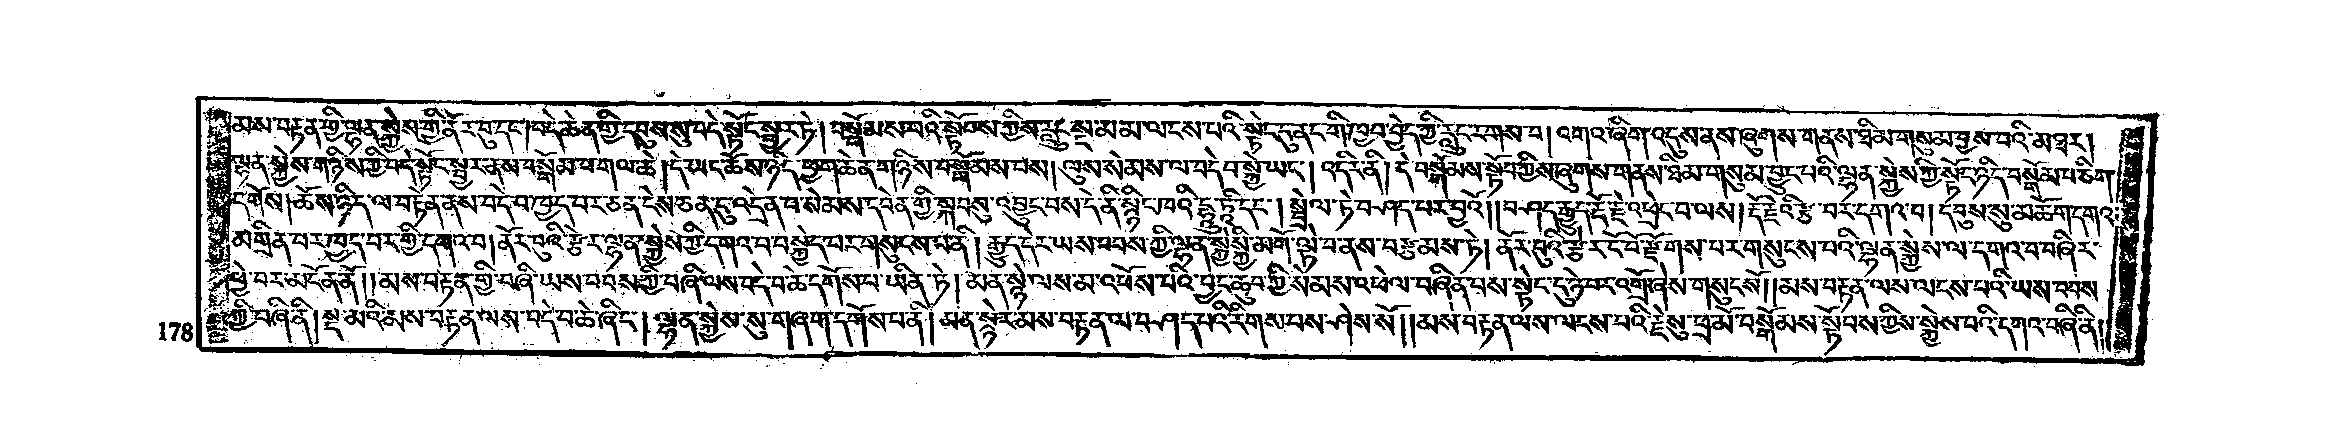མས་བརྟན་གྱི་ལྷན་སྐྱེས་གྱི་ནོར་བུ་དང་། བདེ་ཆེན་གྱི་དབུས་སུ་བདེ་སྟོང་སྦྱར་ཏེ། བསྒོམས་པའི་སྟོབས་ཀྱིས་རླུང་སྔ་མ་མ་ལངས་པའི་སྟེང་དུ་ནང་གི་ཁྱབ་བྱེད་ཀྱི་རླུང་རགས་པ། འགའ་ཞིག་འདུས་ནས་ཞུགས་གནས་ཐིམ་གསུམ་བྱས་པའི་མཐར།
ལྷན་སྐྱེས་གཉིས་ཀྱི་བདེ་སྟོང་སྦྱར་ནས་བསྒོམ་པ་གལ་ཆེ། དེ་ཡང་ཆོས་ཉིད་ཕྱག་ཆེན་གཉིས་བསྒོམས་པས། ལུས་སེམས་ལ་བདེ་བ་སྐྱེ་ཡང་། འདིར་ནི། དེ་བསྒོམས་སྟོབ་ཀྱིས་ཞུགས་གནས་ཐིམ་གསུམ་བྱུང་པའི་ལྷན་སྐྱེས་ཀྱི་སྟོང་ཉིད་བསྒོམ་པ་ཅིག་
དགོས། ཆོས་ཉིད་ལ་བརྟེན་ནས་བདེ་བ་ཁྱད་པར་ཅན་ངེས་ཅན་དུ་འདྲེན་བ་སེམས་དབེན་གྱི་སྐབས་སུ་འབྱུང་བས་དེ་ནི་སྙིང་ཁའི་དྷཱུ་ཏཱི་དང་། སྦྲེལ་ཏེ་བཤད་པར་བྱའོ། །བཤད་རྒྱུད་རྡོ་རྗེ་འཕྲེང་བ་ལས། རྡོ་རྗེའི་རྩ་བར་དགའ་བ། དབུས་སུ་མཆོག་དགའ༑
མགྲིན་པར་ཁྱད་པར་གྱི་དགའ་བ། ནོར་བུའི་རྩེར་ལྷན་སྐྱེས་ཀྱི་དགའ་བ་བསྐྱེད་པར་གསུངས་པ་ནི། རྒྱུད་དེར་ཡས་བབས་ཀྱི་ལྷན་སྐྱེ་སྐྱི་མགོ་ལྟེ་བ་ནས་བརྩམས་ཏེ། ནོར་བུའི་རྩེར་ངོ་བོ་རྫོགས་པར་གསུངས་པའི་ལྷན་སྐྱེས་ལ་དགའ་བ་བཞིར་
ཕྱེ་བར་མངོན་ནོ། །མས་བརྟན་གྱི་བཞི་ཡས་བབས་ཀྱི་བཞི་ལས་བདེ་བ་ཆེ་དགོས་པ་ཡིན་ཏེ། མན་སྙེ་ལས་མ་འཕོས་པའི་བྱང་ཆུབ་ཀྱི་སེམས་འཕེལ་བཞིན་པས་སྟེང་དུ་ཉེ་བར་འགྲོ་ཞེས་གསུངས་སོ། །མས་བརྟན་ལས་ལངས་པའི་ཡས་བབས་
ཀྱི་བཞི་ནི། སྔ་མའི་མས་བརྟན་ལས་བདེ་བ་ཆེ་ཞིང་། ལྷན་སྐྱེས་སུ་གཞག་དགོས་པ་ནི། མན་སྙེར་མས་བརྟན་ལ་བཤད་པའི་རིགས་པས་ཤེས་སོ། །མས་བརྟན་ལས་ལངས་པའི་རྗེས་སུ་ཕྲ་མོ་བསྒོམས་སྟོབས་ཀྱིས་སྐྱེས་པའི་དགའ་བཞི་ནི།